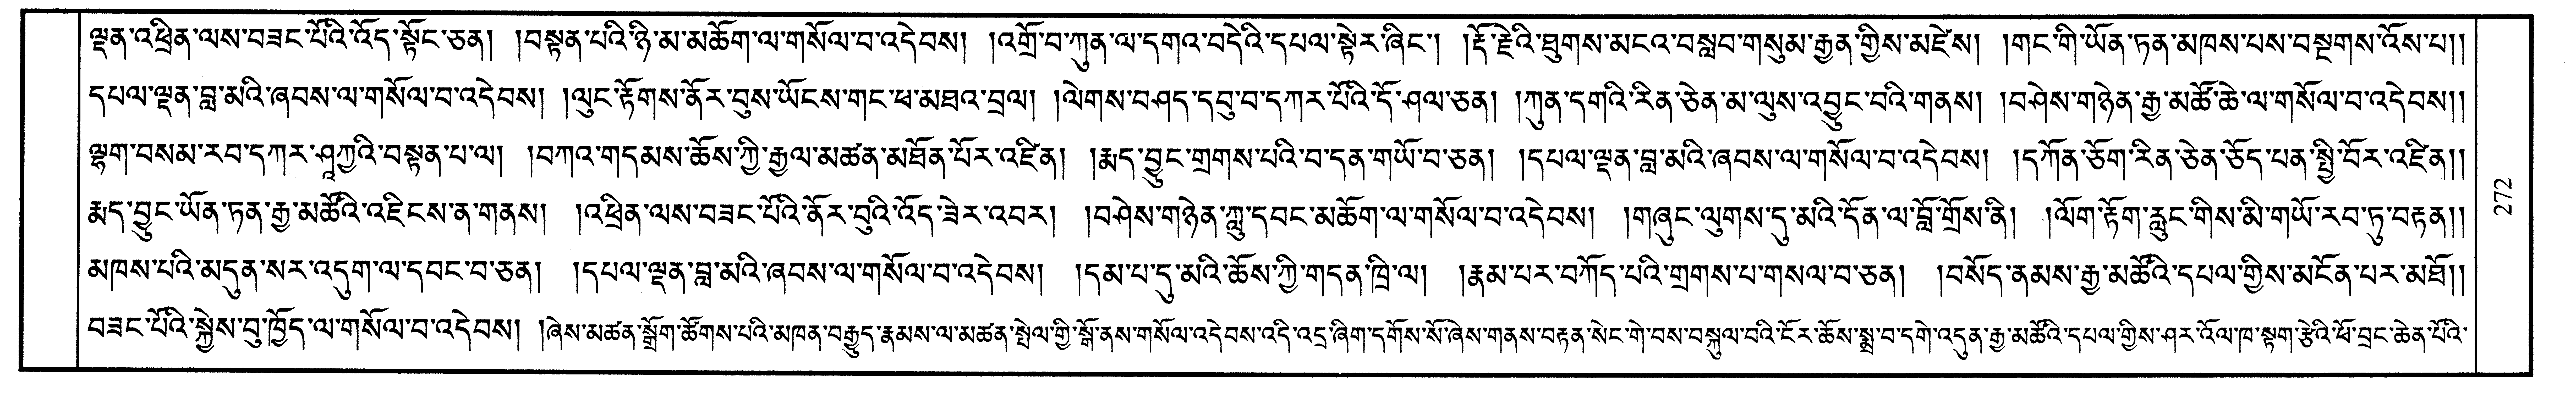ལྡན་འཕྲིན་ལས་བཟང་པོའི་འོད་སྟོང་ཅན། །བསྟན་པའི་ཉི་མ་མཆོག་ལ་གསོལ་བ་འདེབས། །འགྲོ་བ་ཀུན་ལ་དགའ་བདེའི་དཔལ་སྟེར་ཞིང་། །རྡོ་རྗེའི་ཐུགས་མངའ་བསླབ་གསུམ་རྒྱན་གྱིས་མཛེས། །གང་གི་ཡོན་ཏན་མཁས་པས་བསྔགས་འོས་པ།།
དཔལ་ལྡན་བླ་མའི་ཞབས་ལ་གསོལ་བ་འདེབས། །ལུང་རྟོགས་ནོར་བུས་ཡོངས་གང་ཕ་མཐའ་བྲལ། །ལེགས་བཤད་དབུ་བ་དཀར་པོའི་དོ་ཤལ་ཅན། །ཀུན་དགའི་རིན་ཅེན་མ་ལུས་འབྱུང་བའི་གནས། །བཤེས་གཉེན་རྒྱ་མཚོ་ཆེ་ལ་གསོལ་བ་འདེབས།།
ལྷག་བསམ་རབ་དཀར་ཤཱཀྱའི་བསྟན་པ་ལ། །བཀའ་གདམས་ཆོས་ཀྱི་རྒྱལ་མཚན་མཐོན་པོར་འཛིན། །རྨད་བྱུང་གྲགས་པའི་བ་དན་གཡོ་བ་ཅན། །དཔལ་ལྡན་བླ་མའི་ཞབས་ལ་གསོལ་བ་འདེབས། །དཀོན་ཅོག་རིན་ཅེན་པོད་པན་སྤྱི་བོར་འཛིན།།
རྨད་བྱུང་ཡོན་ཏན་རྒྱ་མཚོའི་འཇིངས་ན་གནས། །འཕྲིན་ལས་བཟང་པོའི་ནོར་བུའི་འོད་ཟེར་འབར། །བཤེས་གཉེན་ཀླུ་དབང་མཆོག་ལ་གསོལ་བ་འདེབས། །གཞུང་ལུགས་དུ་མའི་དོན་ལ་བློ་གྲོས་ནི། །ལོག་རྟོག་རླུང་གིས་མི་གཡོ་རབ་ཏུ་བརྟན།།
མཁས་པའི་མདུན་སར་འདུག་ལ་དབང་བ་ཅན། །དཔལ་ལྡན་བླ་མའི་ཞབས་ལ་གསོལ་བ་འདེབས། །དམ་པ་དུ་མའི་ཆོས་ཀྱི་གདན་ཁྲི་ལ། །རྣམ་པར་བཀོད་པའི་གྲགས་པ་གསལ་བ་ཅན། །བསོད་ནམས་རྒྱ་མཚོའི་དཔལ་གྱིས་མངོན་པར་མཐོ།།
བཟང་པོའི་སྐྱེས་བུ་ཁྱོད་ལ་གསོལ་བ་འདེབས། །ཞེས་མཚན་སྒྲོག་ཚོགས་པའི་མཁན་བརྒྱུད་རྣམས་ལ་མཚན་སྤེལ་གྱི་སྒོ་ནས་གསོལ་འདེབས་འདི་འདྲ་ཞིག་དགོས་སོ་ཞེས་གནས་བརྟན་སེང་གེ་བས་བསྐུལ་བའི་ངོར་ཆོས་སྨྲ་བ་དགེ་འདུན་རྒྱ་མཚོའི་དཔལ་གྱིས་ཤར་འོལ་ཁ་སྟག་རྩེའི་ཕོ་བྲང་ཆེན་པོའི་